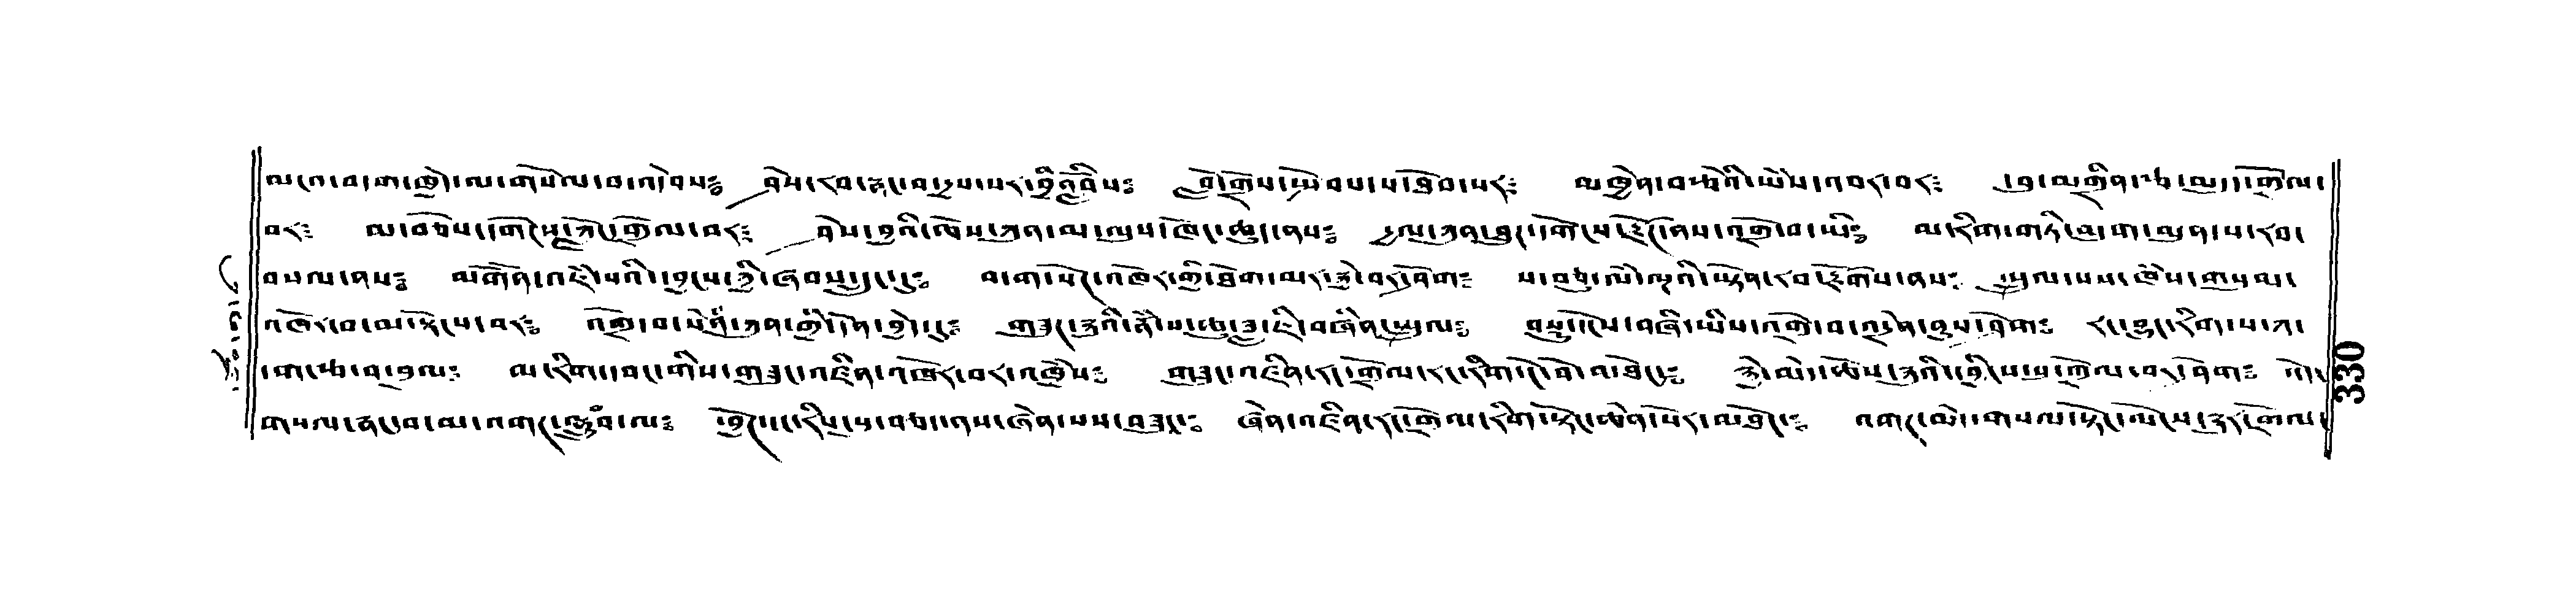མངའ་བདག་ཁྱེད་ལ་གསོལ་བ་འདེབས༔ ཤེས་རབ་སྣང་བ་རྒྱས་པར་བྱིན་གྱིས་རློབས༔ བློ་གྲོས་སྤོབས་པ་ཐོབ་པར༴ མཁྱེན་བརྩེའི་ཡེ་ཤེས་འབར་བར༴ དབུ་མགྲིན་རྩ་མདུད་གྲོལ་
བར༴ མ་བཅོས་དགོངས་ཀློང་གྲོལ་བར༴ ཤེས་བྱའི་ཆོས་ཀུན་མ་ལུས་ཁོང་ཆུད་ནས༔ རྒྱལ་ཀུན་ཐུགས་དགོངས་རྫོགས་ནས་འགྲོ་བ་ཡི༔ མ་རིག་གཏི་མུག་མུན་པ་རབ་
བསལ་ནས༔ མགོན་པོ་འཇམ་པའི་དབྱངས་ཀྱི་ཞབས་དྲུང་དུ༔ བདག་སོགས་འཁོར་གྱི་ཐོག་མར་སྐྱེ་བར་ཤོག༔ ས་བཅུ་ལམ་ལྔའི་ཡོན་ཏན་རབ་རྫོགས་ནས༔ སྤྲུལ་པས་ཁམས་གསུམ་
འཁོར་བ་མ་སྟོངས་བར༔ འགྲོ་བ་སེམས་ཅན་ཀུན་གྱི་དོན་བྱེད་དུ༔ གཟུགས་སྐུའི་རྣམ་པ་ཆུ་ཟླ་ཇི་བཞིན་སྤྲུལ༔ བསྡུ་དངོས་བཞི་ཡིས་འགྲོ་བ་འདྲེན་ནུས་ཤོག༔ རང་བྱུང་རིག་པ་ཀ་
དག་རྩ་བ་བྲལ༔ མ་རིག་དབང་གིས་གཟུང་འཛིན་འཁོར་བར་འཁྱམས༔ གཟུང་འཛིན་རང་གྲོལ་རང་རིག་ངོ་བོ་མཐོང༔ སྐྱེ་མེད་ཆོས་སྐུའི་དབྱིངས་སུ་གྲོལ་བར་ཤོག༔ འོད་
གསལ་སྣང་བ་མ་འགགས་ལྷུན་གྲུབ་ལ༔ ཕྱོགས་དང་རིས་སུ་བཅད་ནས་ཞེན་པས་བཟུང༔ ཞེན་འཛིན་རང་གྲོལ་རིག་སྟོང་ཆེན་པོར་མཐོང༔ འགགས་མེད་གསལ་སྟོང་ལོངས་སྐུར་གྲོལ